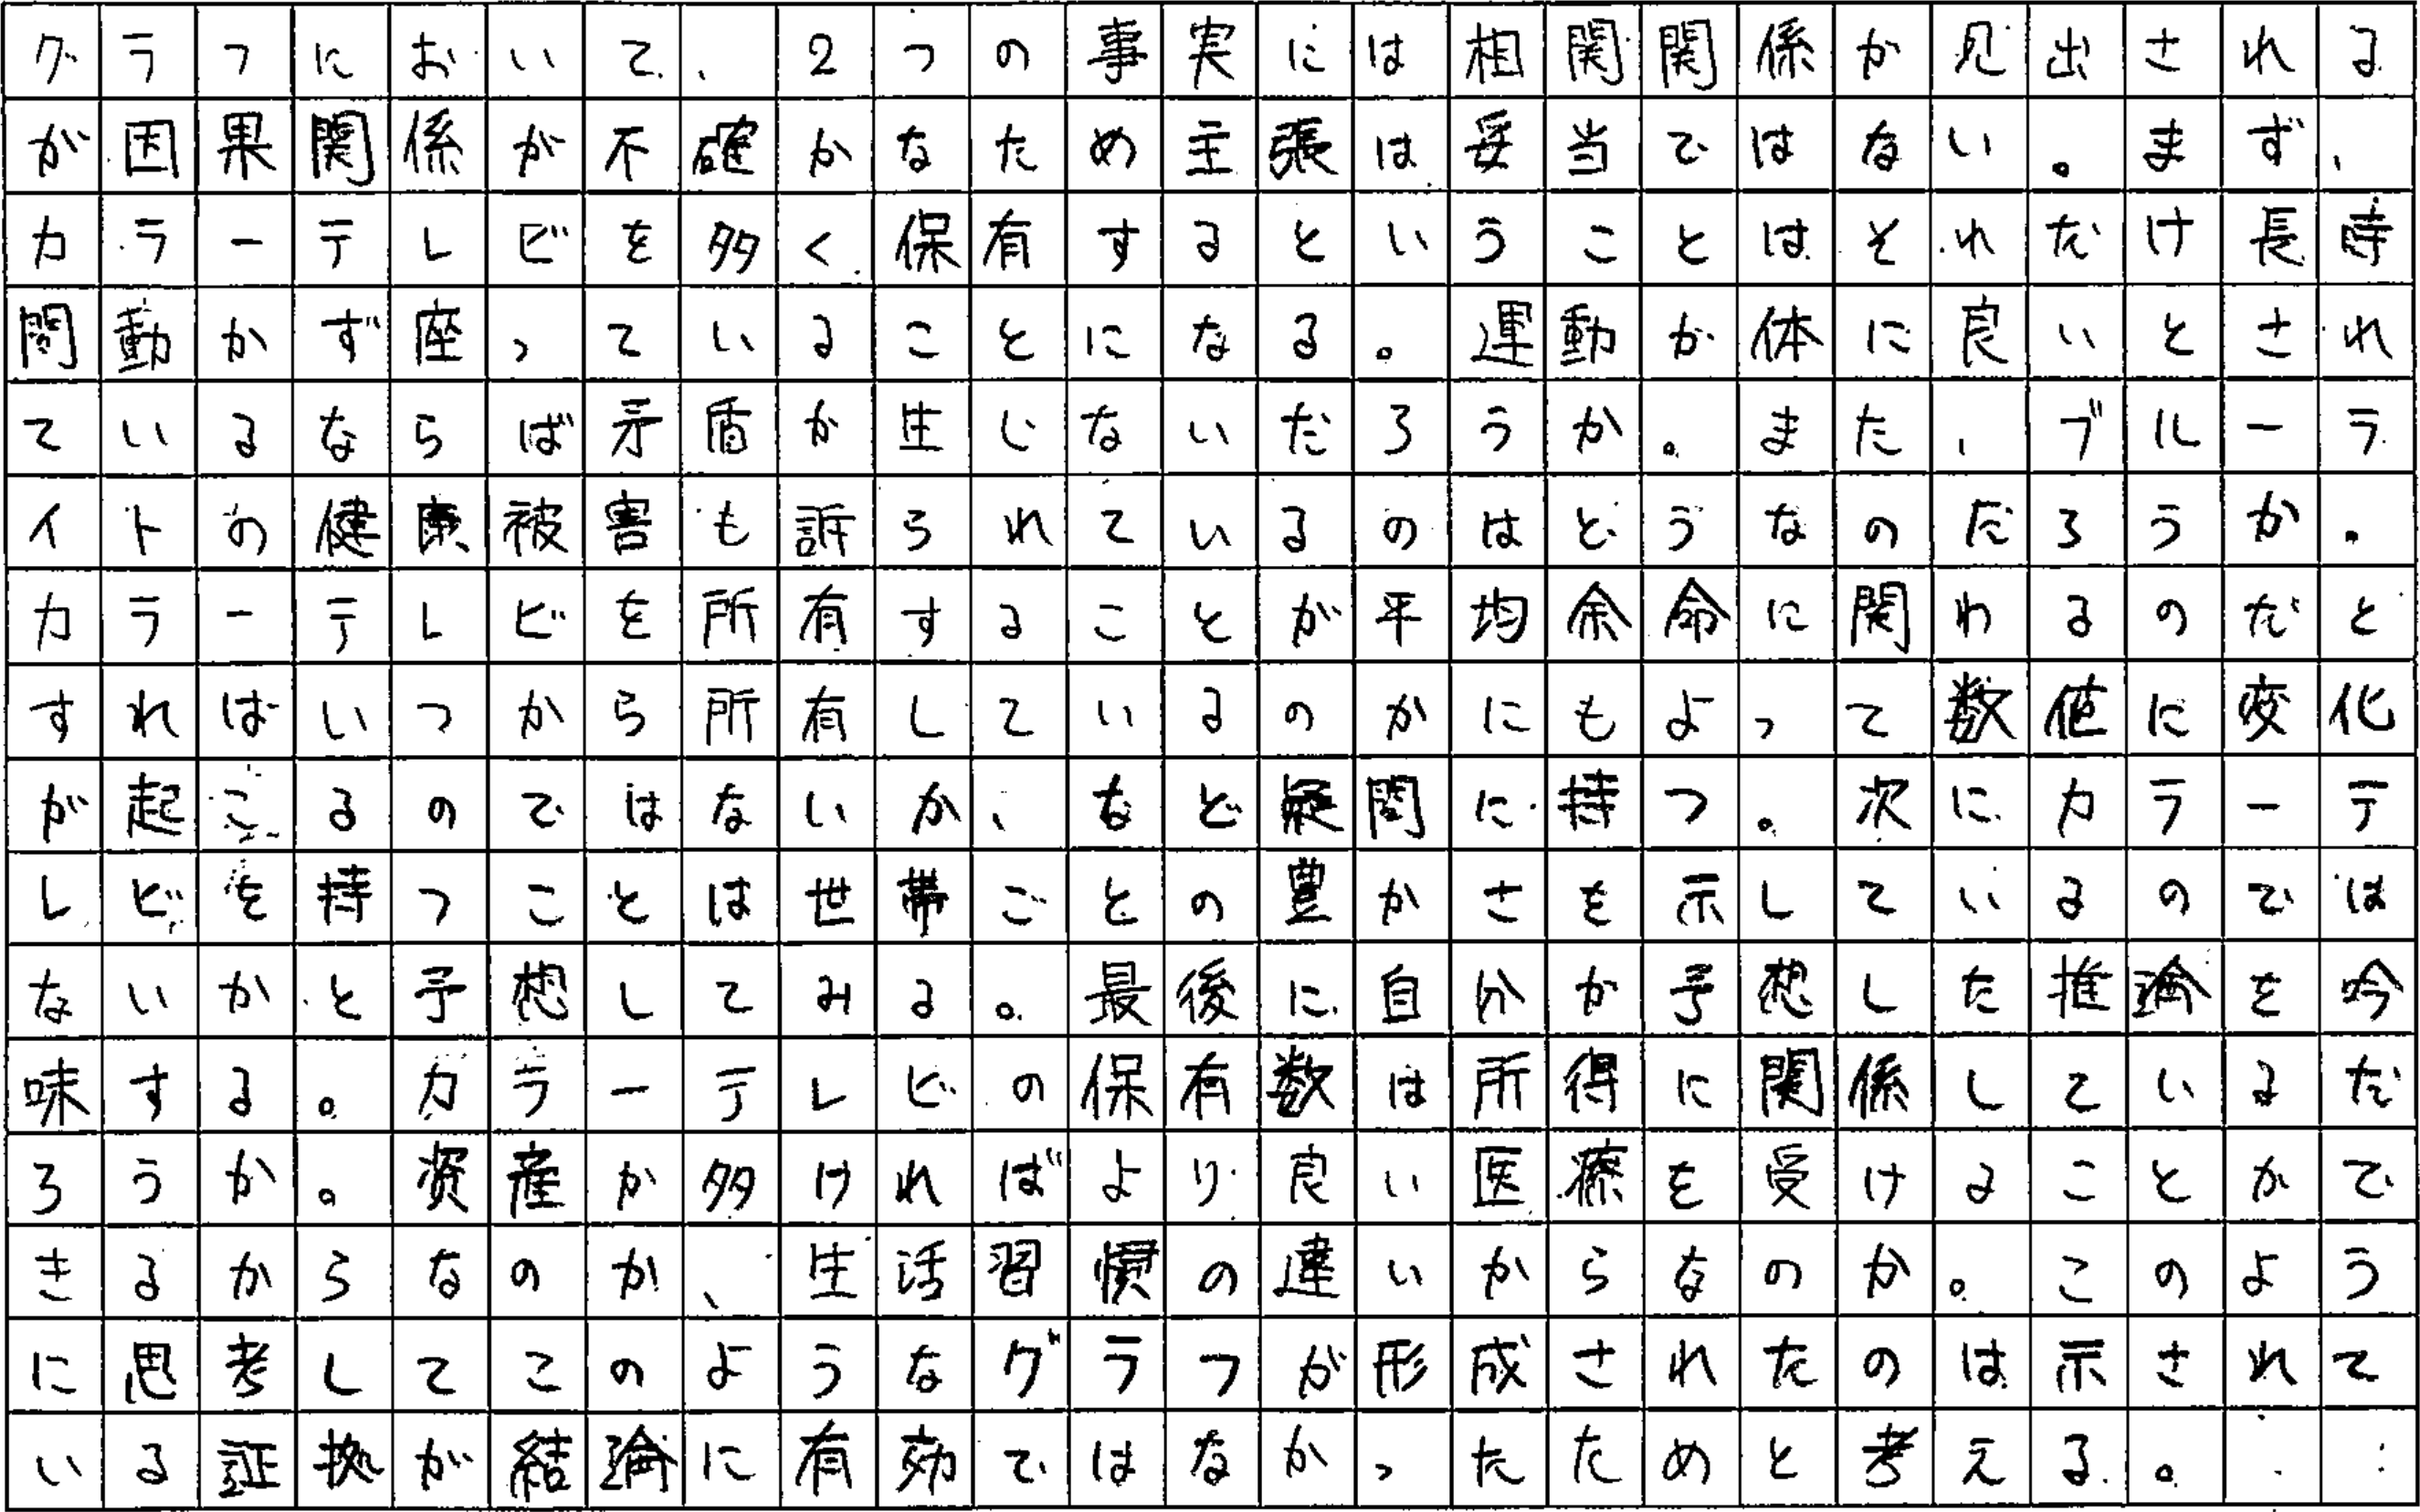グラフにおいて、２つの事実には相関関係が見出されるが因果関係が不確かなため主張は妥当ではない。まず、カラーテレビを多く保有するということはそれだけ長時間動かず座っていることになる。運動が体に良いとされているならば矛盾が生じないだろうか。また、ブルーライトの健康被害も訴られているのはどうなのだろうか。カラーテレビを所有することが平均余命に関わるのだとすればいつから所有しているのかにもよって数値に変化が起こるのではないか、など疑問に持つ。次にカラーテレビを持つことは世帯ごとの豊かさを示しているのではないかと予想してみる。最後に自分が予想した推▁を吟味する。カラーテレビの保有数は所得に関係しているだろうか。資産が多ければより良い医療を受けることができるからなのか、生活習慣の違いからなのか。このように思考してこのようなグラフが形成されたのは示されている証拠が結▁に有効ではなかったためと考える。
